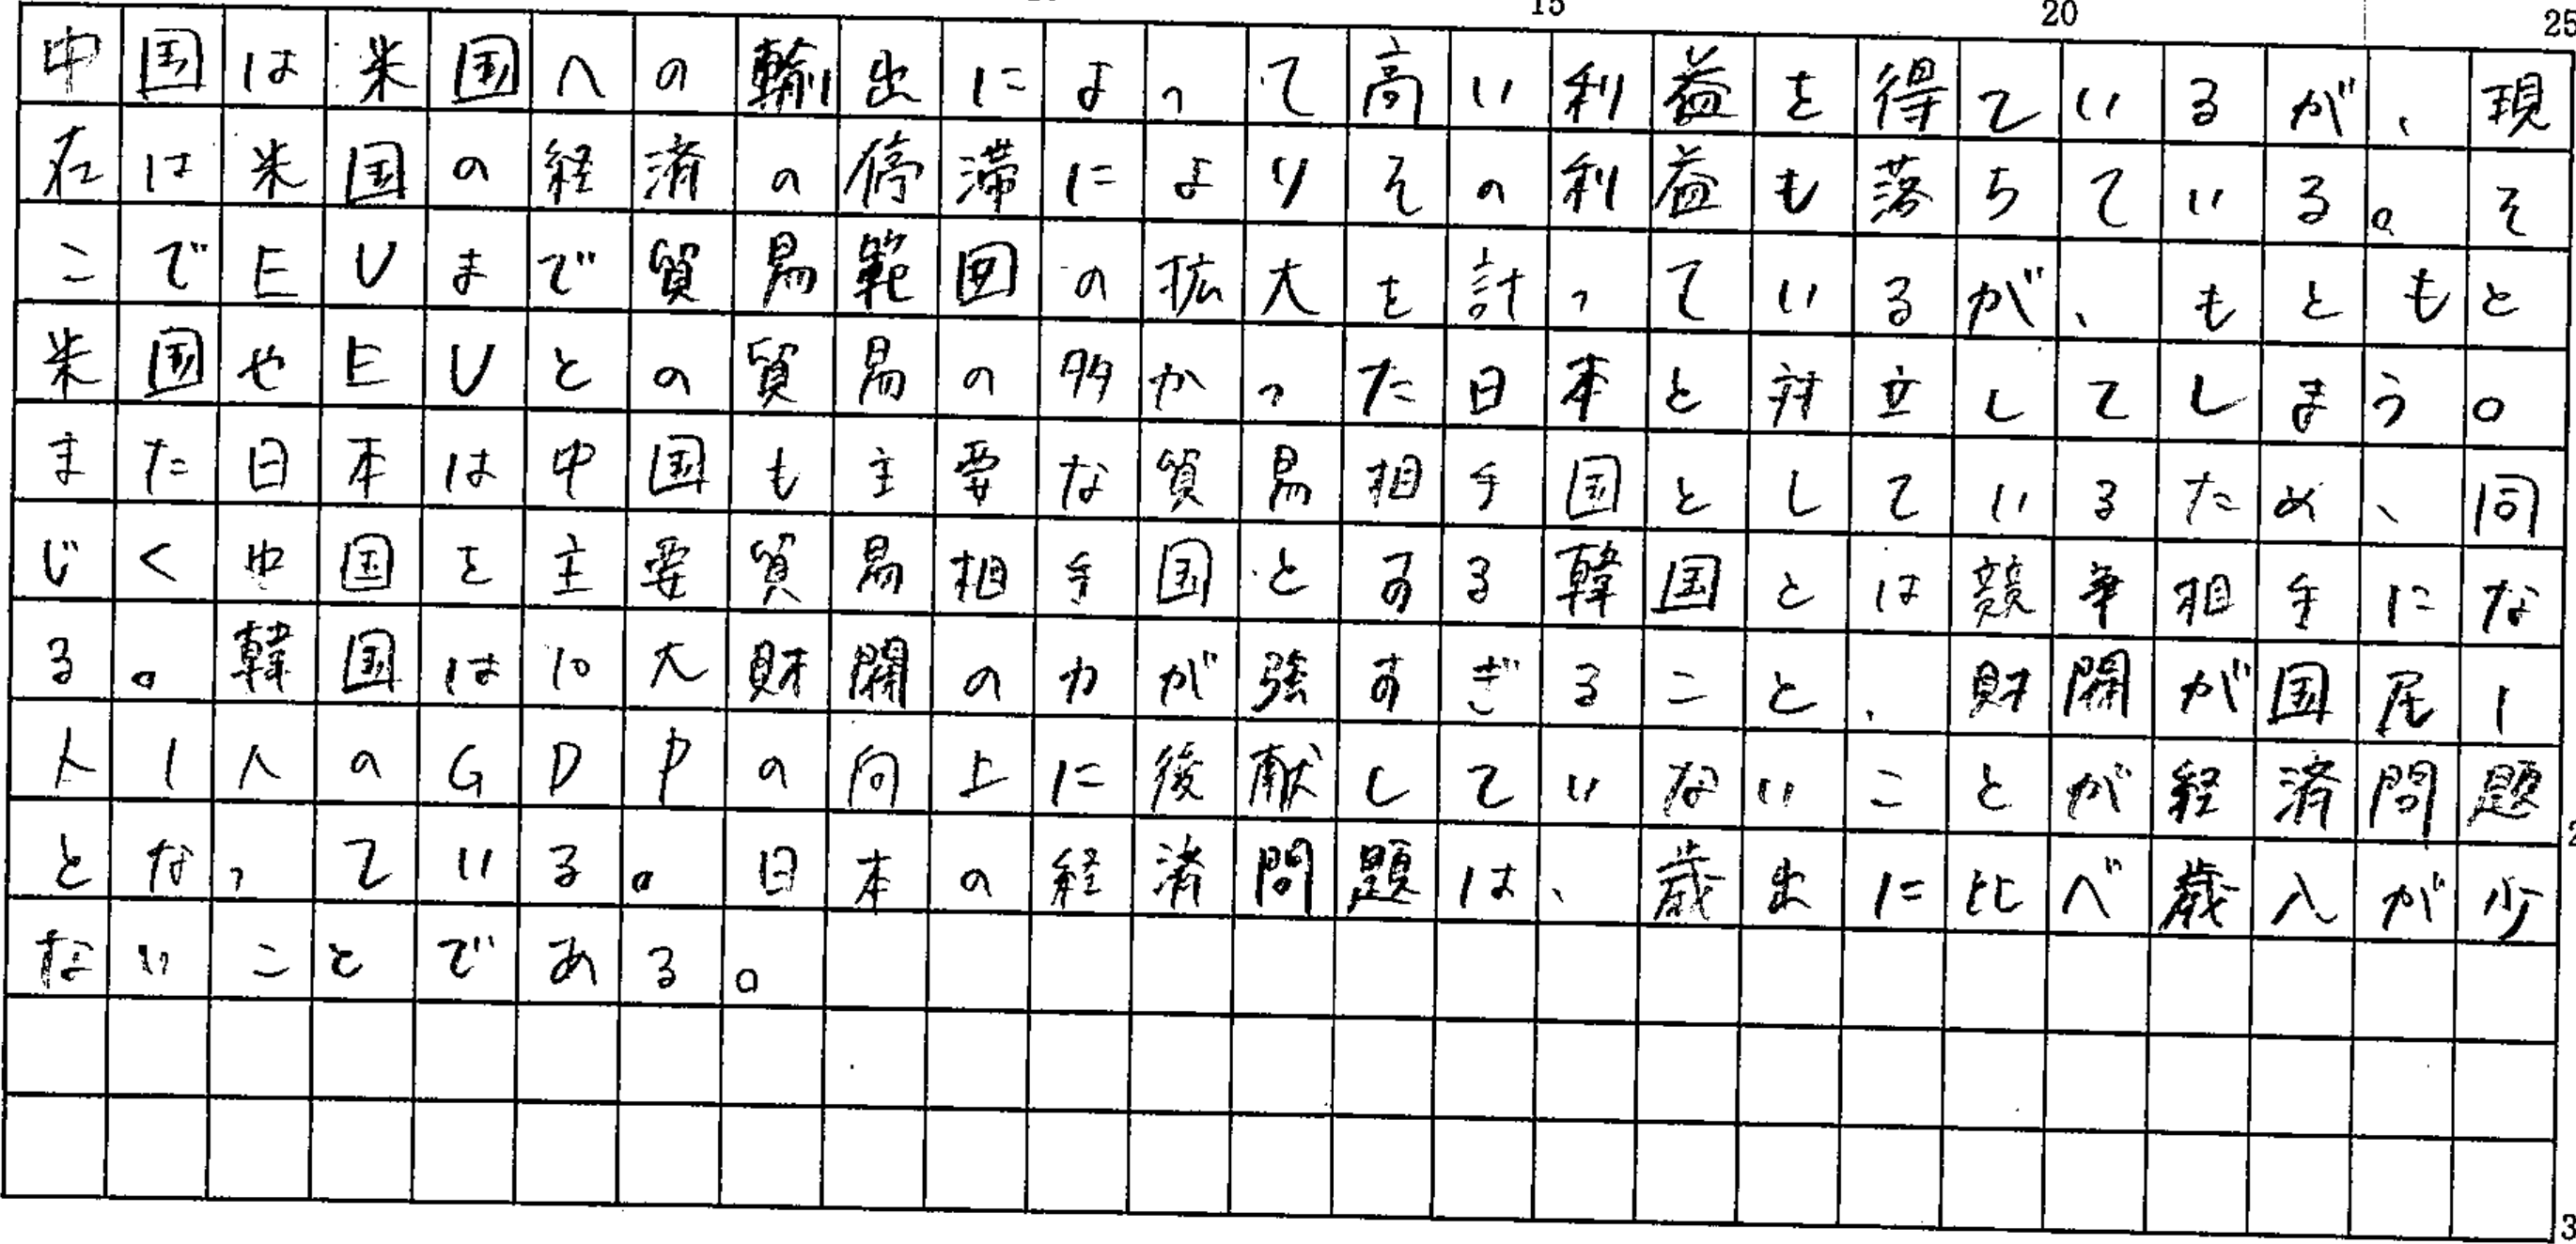中国は米国への輸出によって高い利益を得ているが、現在は米国の経済の停滞によりその利益も落ちている。そこでＥＵまで貿易範囲の拡大を計っているが、もともと米国やＥＵとの貿易の多かった日本と対立してしまう。また日本は中国も主要な貿易相手国としているため、同じく中国を主要貿易相手国とする韓国とは競争相手になる。韓国は10大財閥の力が強すぎること、財閥が国民１人１人のＧＤＰの向上に後献していないことが経済問題となっている。日本の経済問題は、歳出に比べ歳入が少ないことである。
